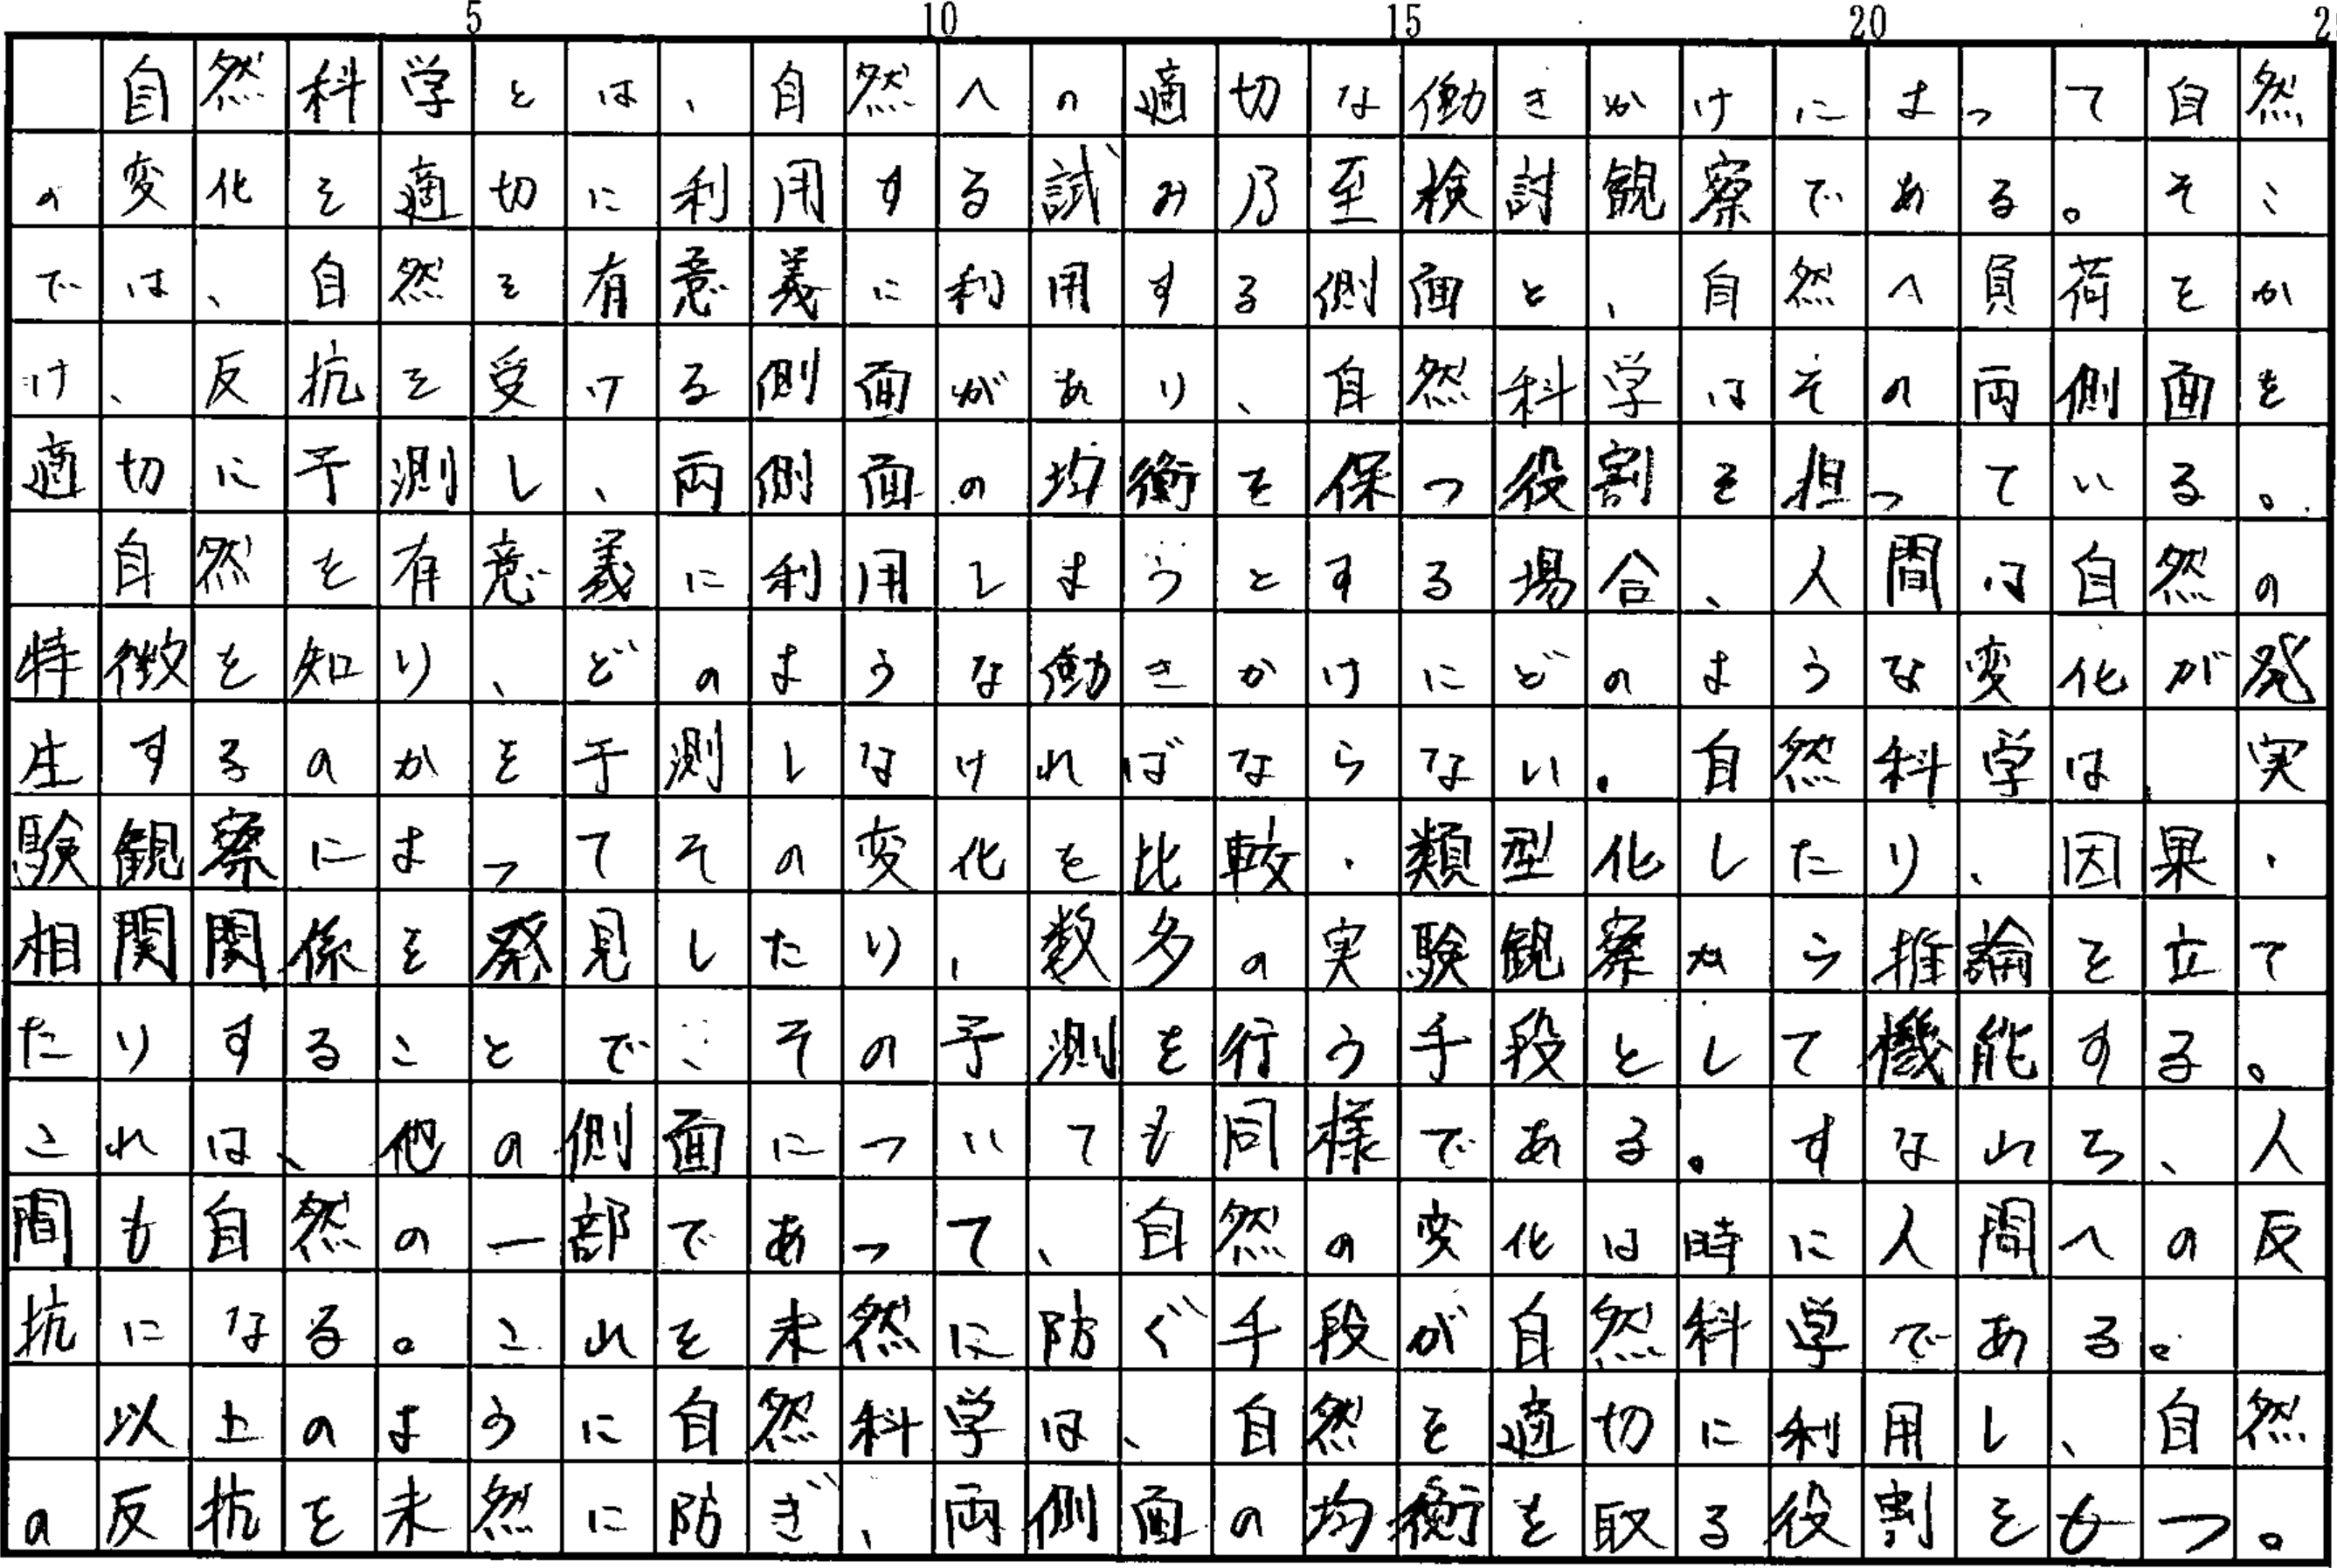　自然科学とは、自然への適切な働きかけによって自然の変化を適切に利用する試み乃至検討観察である。そこでは、自然を有意義に利用する側面と、自然へ負荷をかけ、反抗を受ける側面があり、自然科学はその両側面を適切に予測し、両側面の均衡を保つ役割を担っている。
　自然を有意義に利用しようとする場合、人間は自然の特徴を知り、どのような働きかけにどのような変化が発生するのかを予測しなければならない。自然科学は、実験観察によってその変化を比較、類型化したり、因果・相関関係を発見したり、数多の実験観察から推論を立てたりすることで、その予測を行う手段として機能する。これは、他の側面についても同様である。すなわち、人間も自然の一部であって、自然の変化は時に人間への反抗になる。これを未然に防ぐ手段が自然科学である。
　以上のように自然科学は、自然を適切に利用し、自然の反抗を未然に防ぎ、両側面の均衡を取る役割をもつ。
